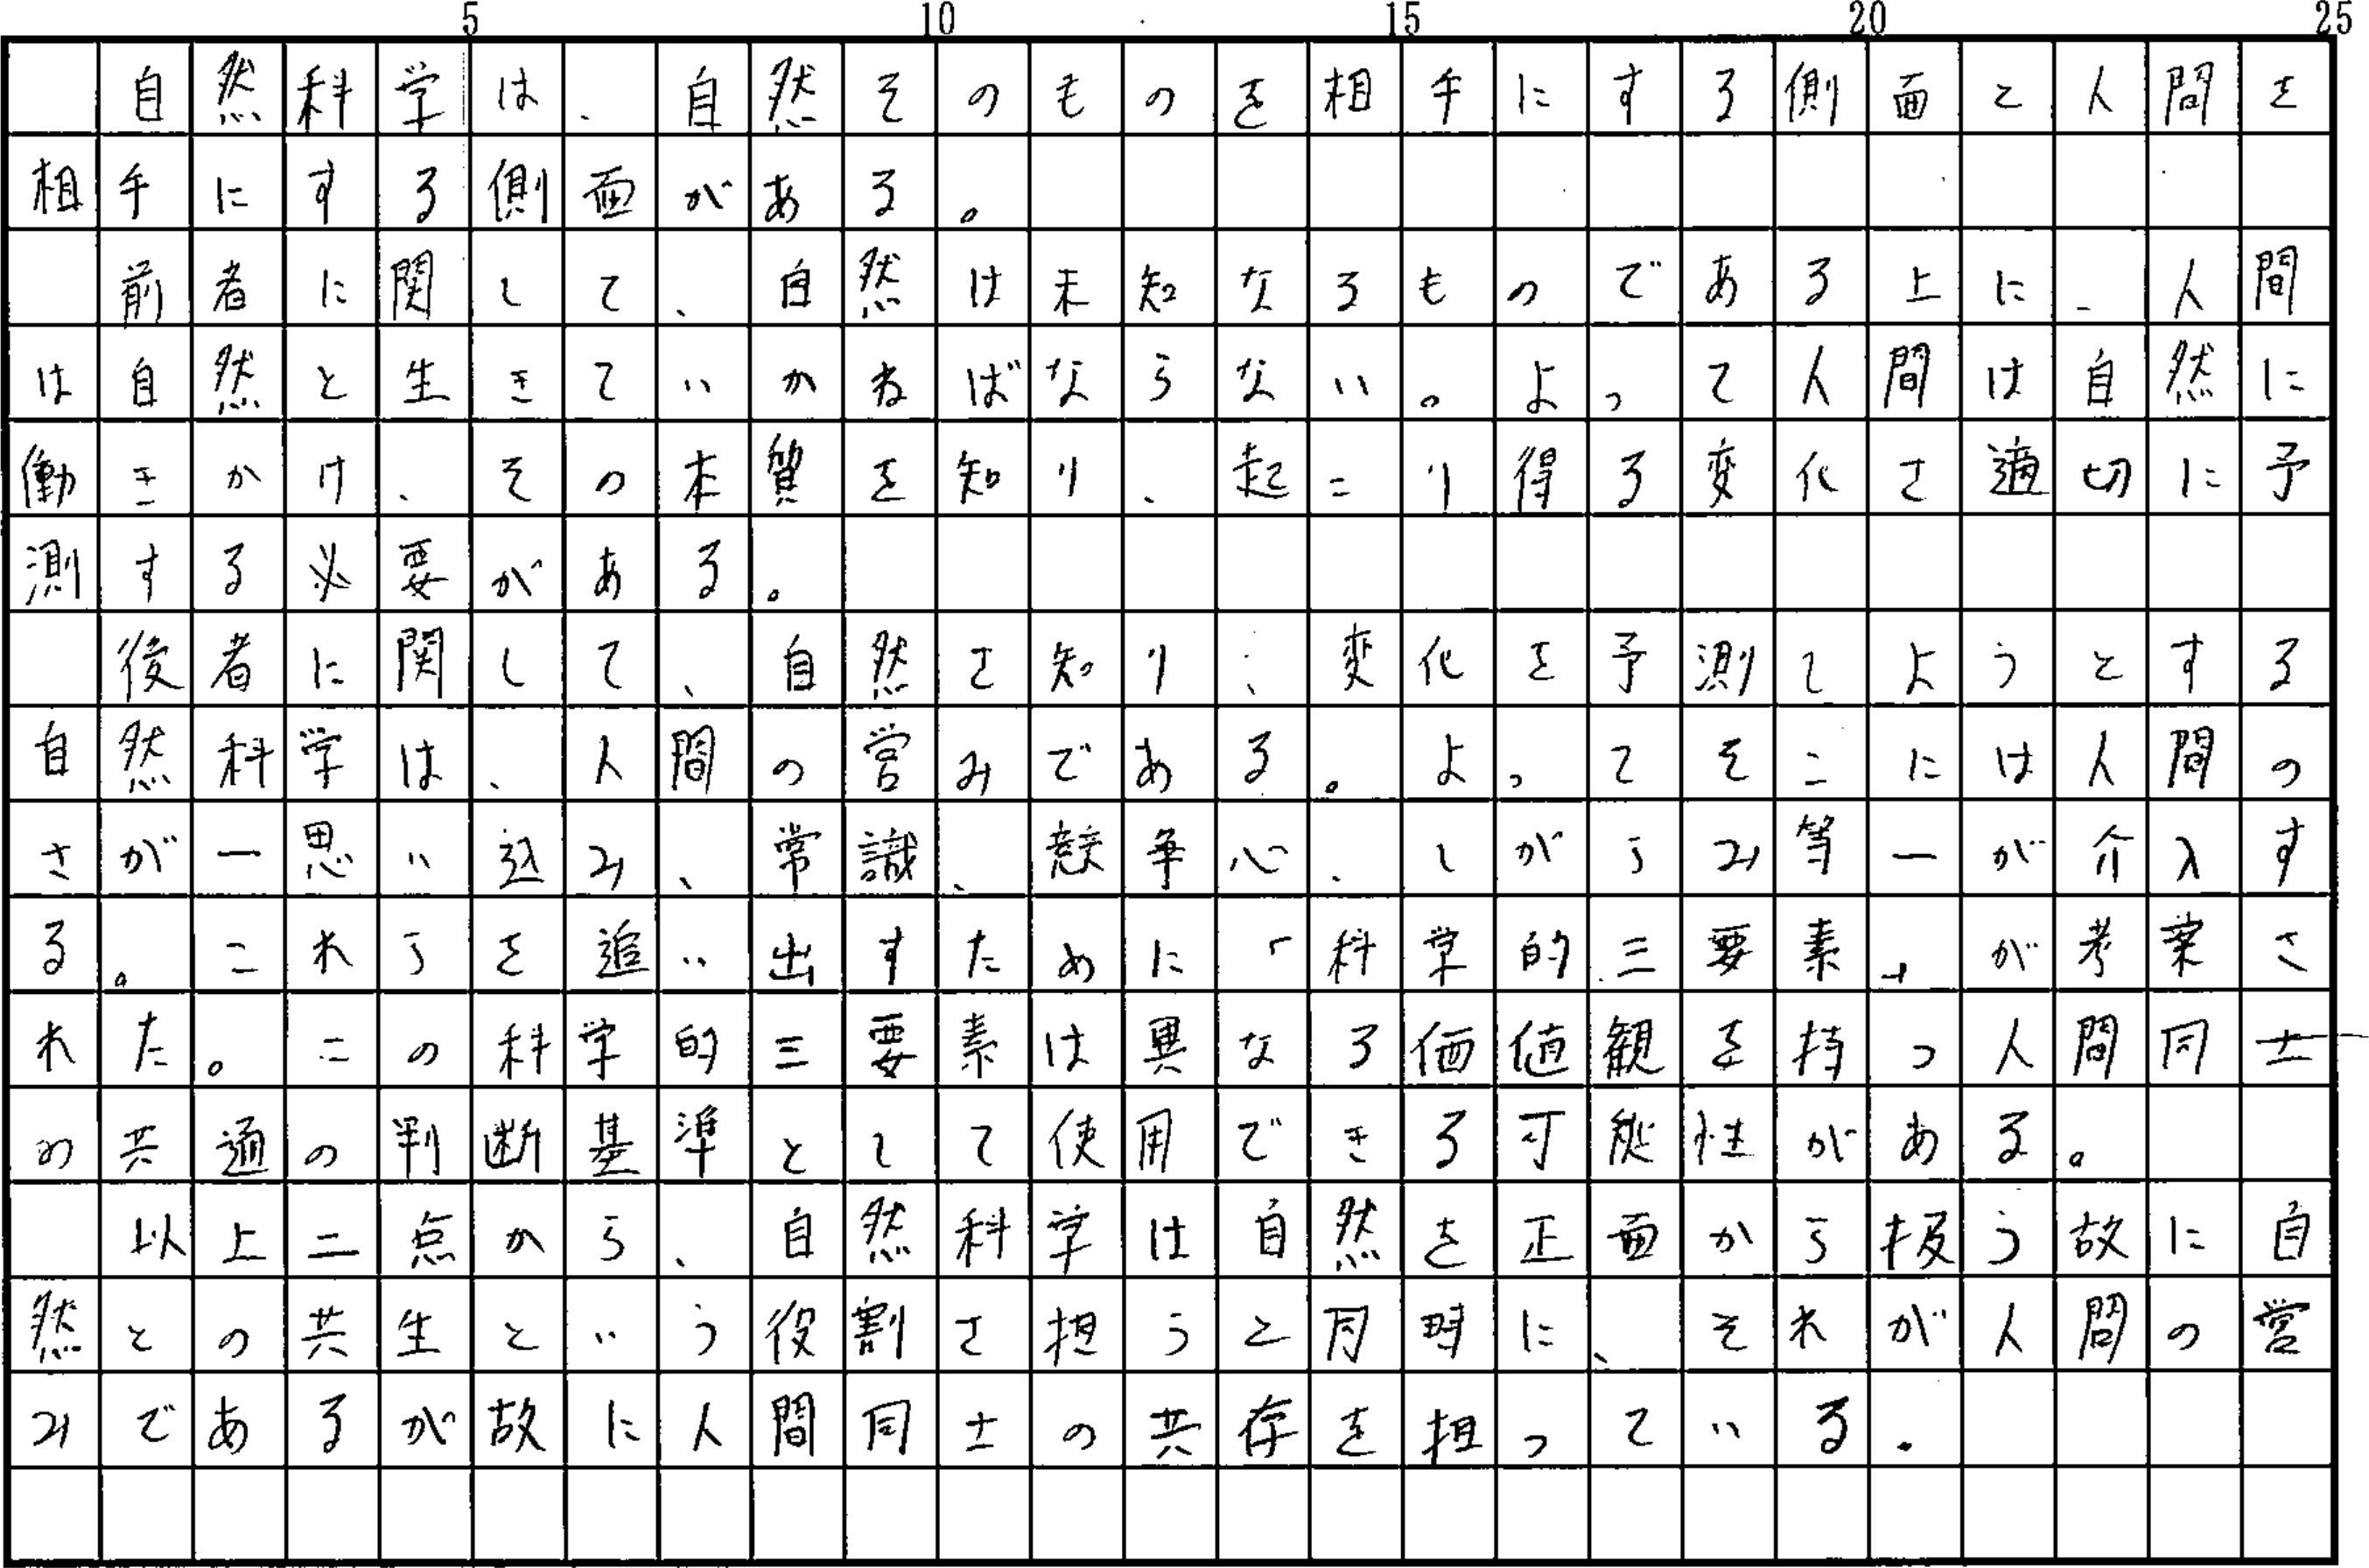　自然科学は、自然そのものを相手にする側面と人間を相手にする側面がある。
　前者に関して、自然は未知なるものである上に、人間は自然と生きていかねばならない。よって人間は自然に働きかけ、その本質を知り、起こり得る変化を適切に予測する必要がある。
　後者に関して、自然を知り、変化を予測しようとする自然科学は、人間の営みである。よってそこには人間のさが―思い込み、常識、競争心、しがらみ等―が介入する。これらを追い出すために「科学的三要素」が考案された。この科学的三要素は異なる価値観を持つ人間同士の共通の判断基準として使用できる可能性がある。
　以上二点から、自然科学は自然を正面から扱う故に自然との共生という役割を担うと同時に、それが人間の営みであるが故に人間同士の共存を担っている。
